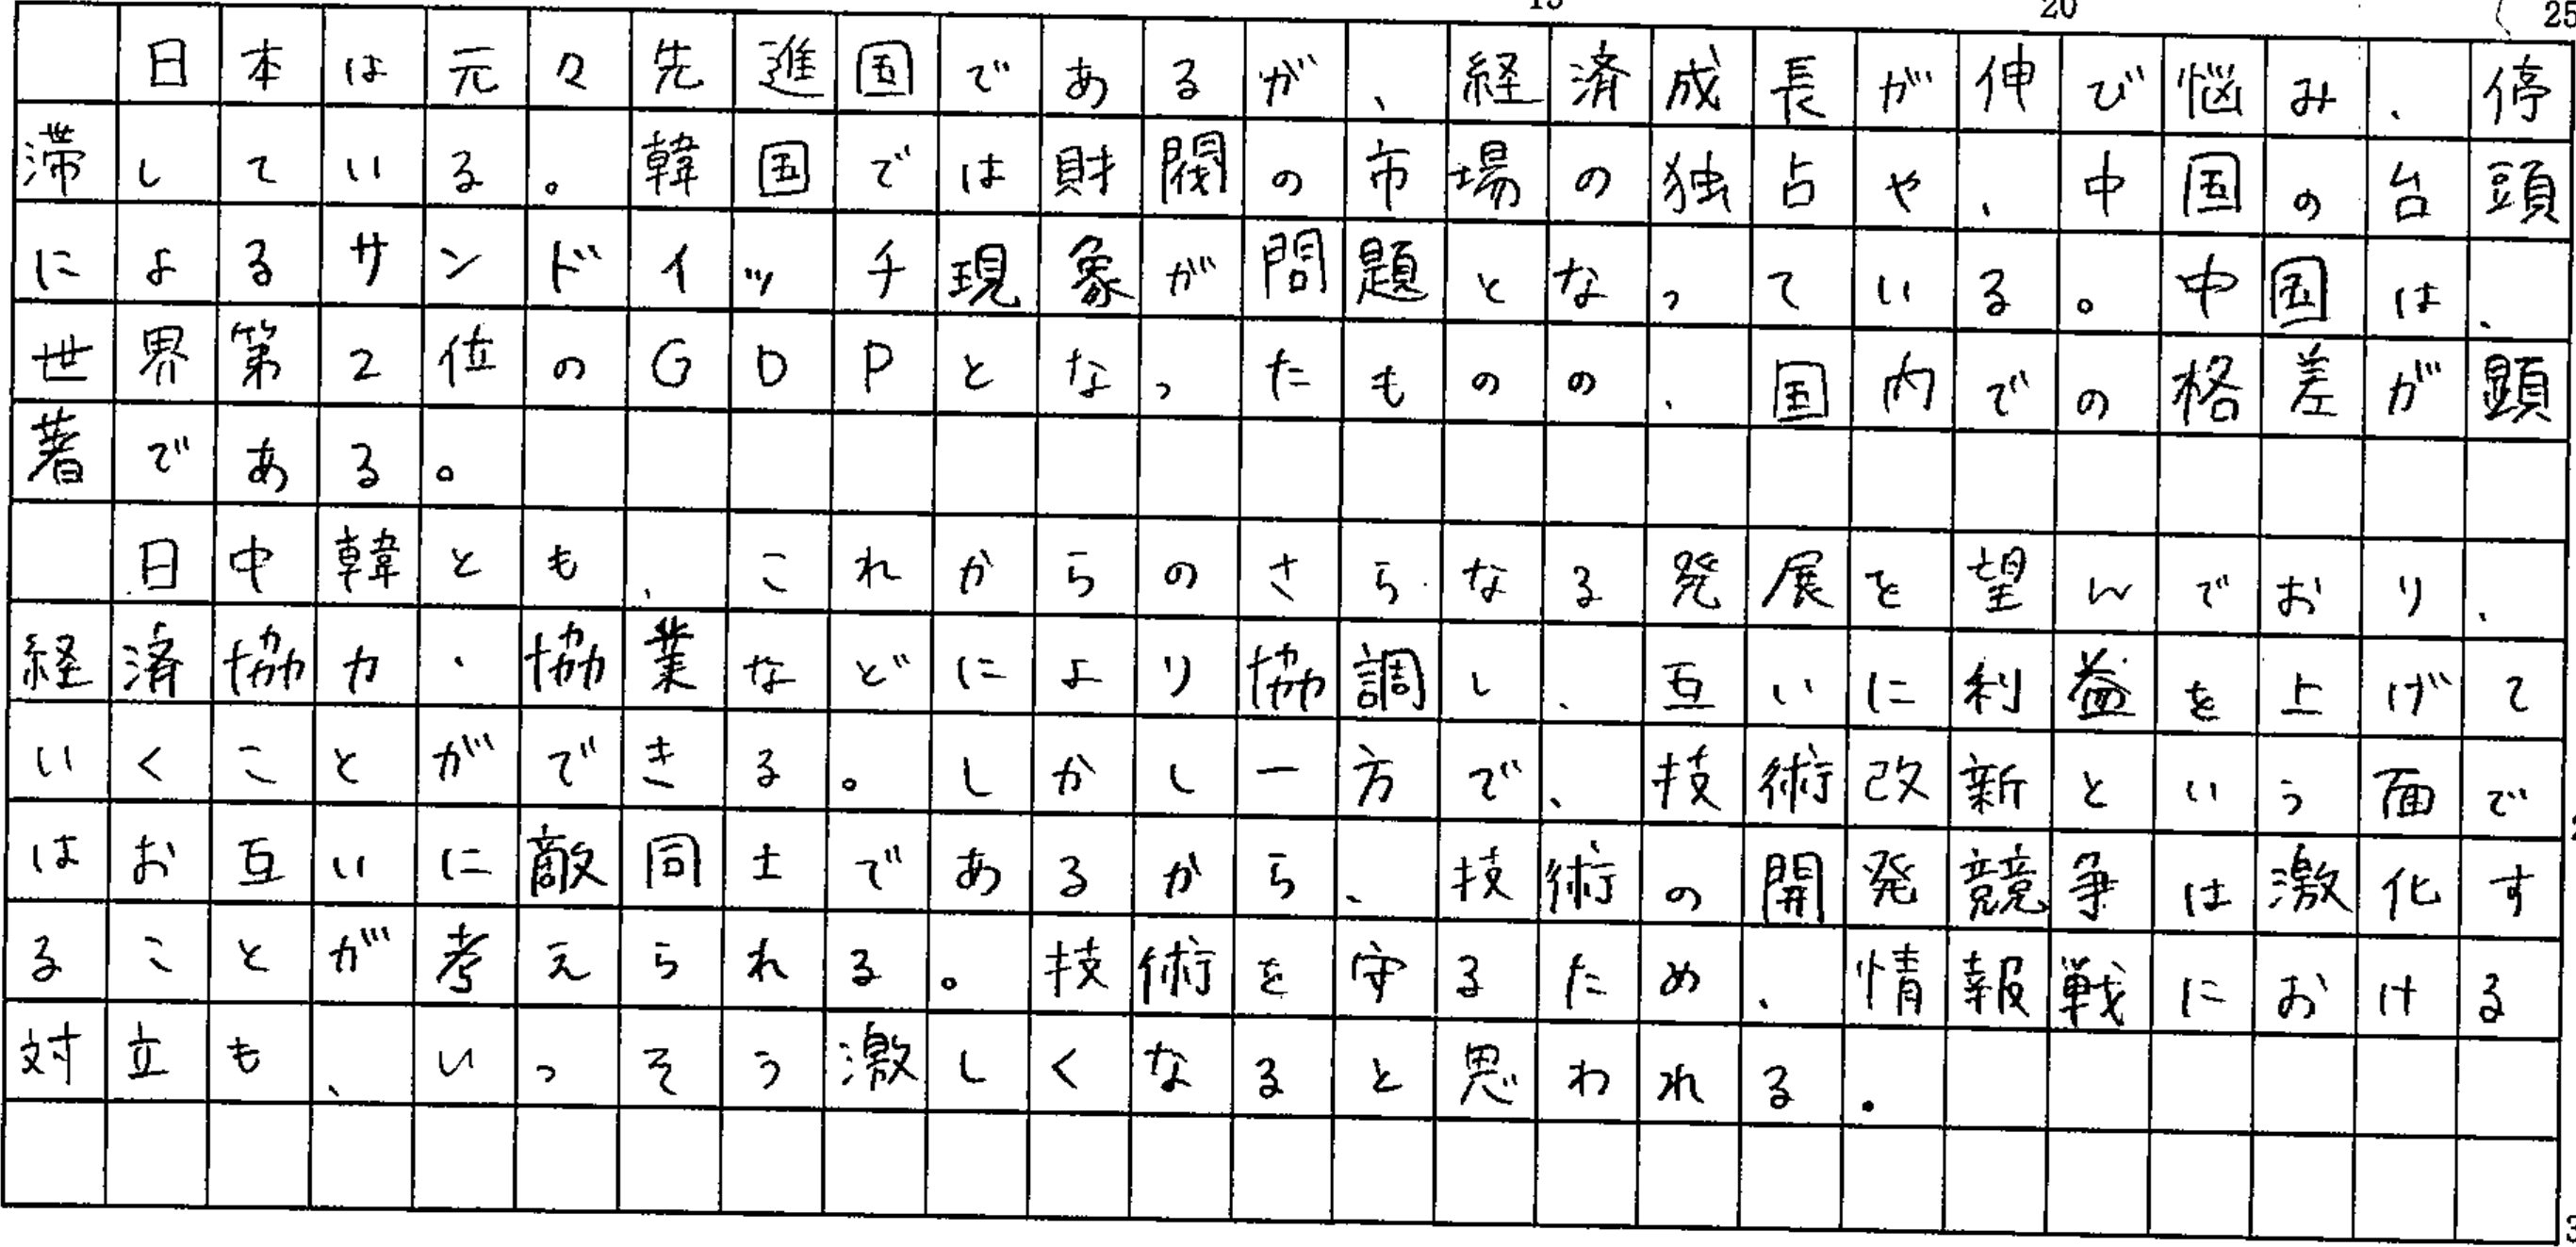　日本は元々先進国であるが、経済成長が伸び悩み、停滞している。韓国では財閥の市場の独占や、中国の台頭によるサンドイッチ現象が問題となっている。中国は、世界第２位のＧＤＰとなったものの、国内での格差が顕著である。
　日中韓とも、これからのさらなる発展を望んでおり、経済協力・協業などにより協調し、互いに利益を上げていくことができる。しかし一方で、技術改新という面ではお互いに敵同士であるから、技術の開発競争は激化することが考えられる。技術を守るため、情報戦における対立も、いっそう激しくなると思われる。
